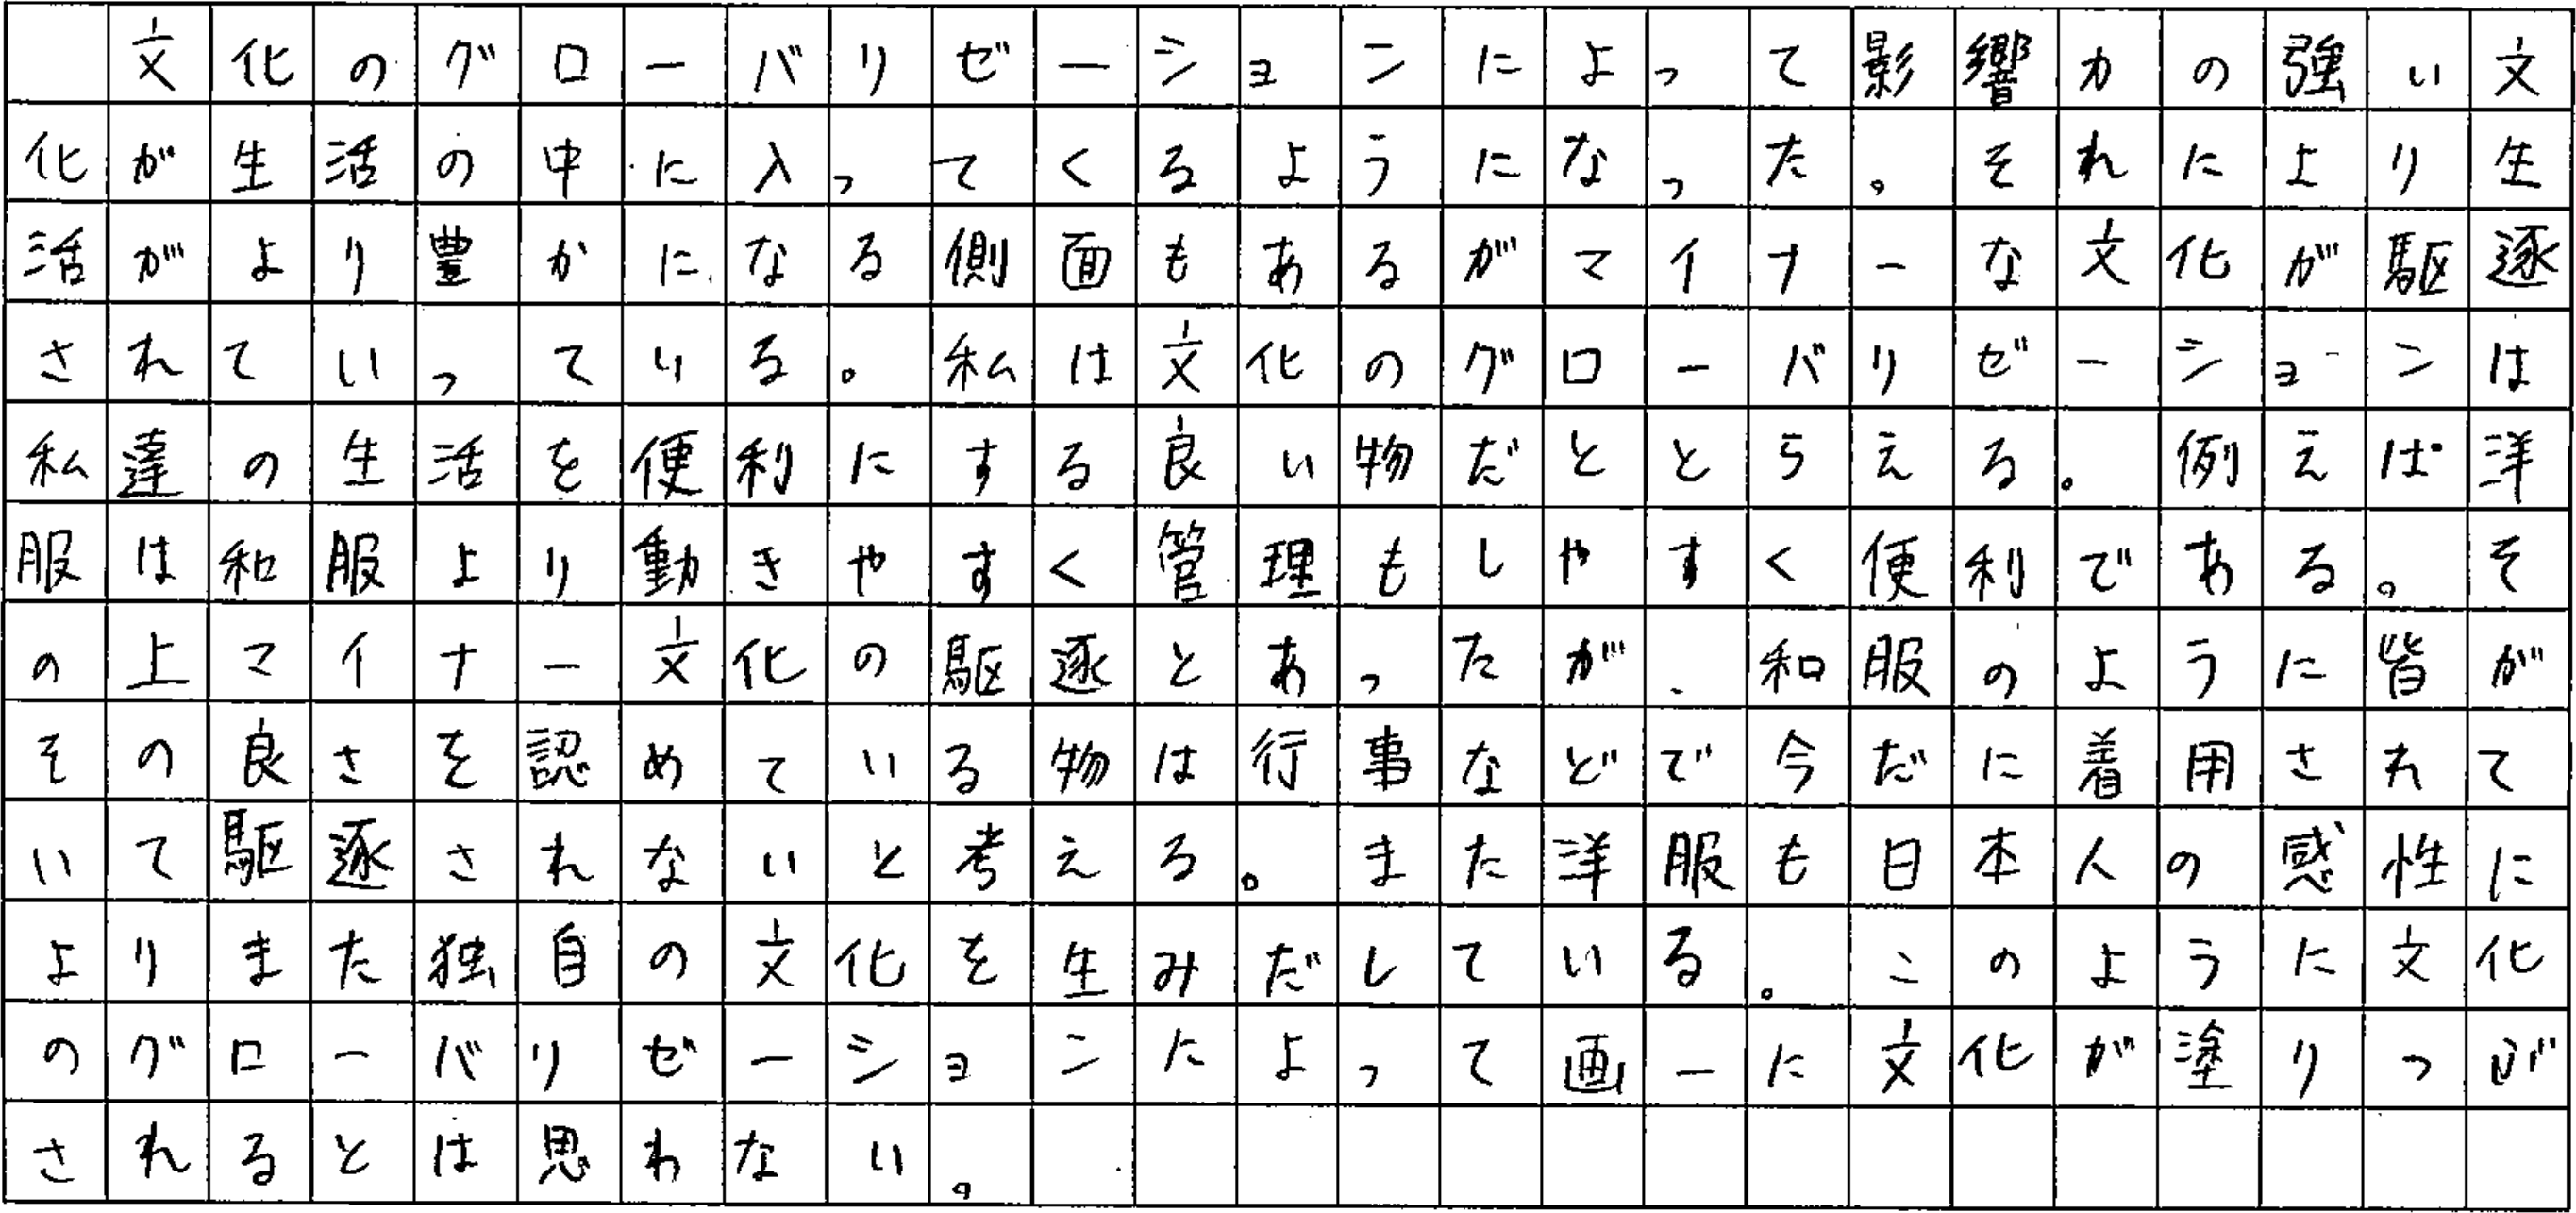　文化のグローバリゼーションによって影響力の強い文化が生活の中に入ってくるようになった。それにより生活がより豊かになる側面もあるがマイナーな文化が駆逐されていっている。私は文化のグローバリゼーションは私達の生活を便利にする良い物だととらえる。例えば洋服は和服より動きやすく管理もしやすく便利である。その上マイナー文化の駆逐とあったが、和服のように皆がその良さを認めている物は行事などで今だに着用されていて駆逐されないと考える。また洋服も日本人の感性によりまた独自の文化を生みだしている。このように文化のグローバリゼーションによって画一に文化が塗りつぶされるとは思わない。
